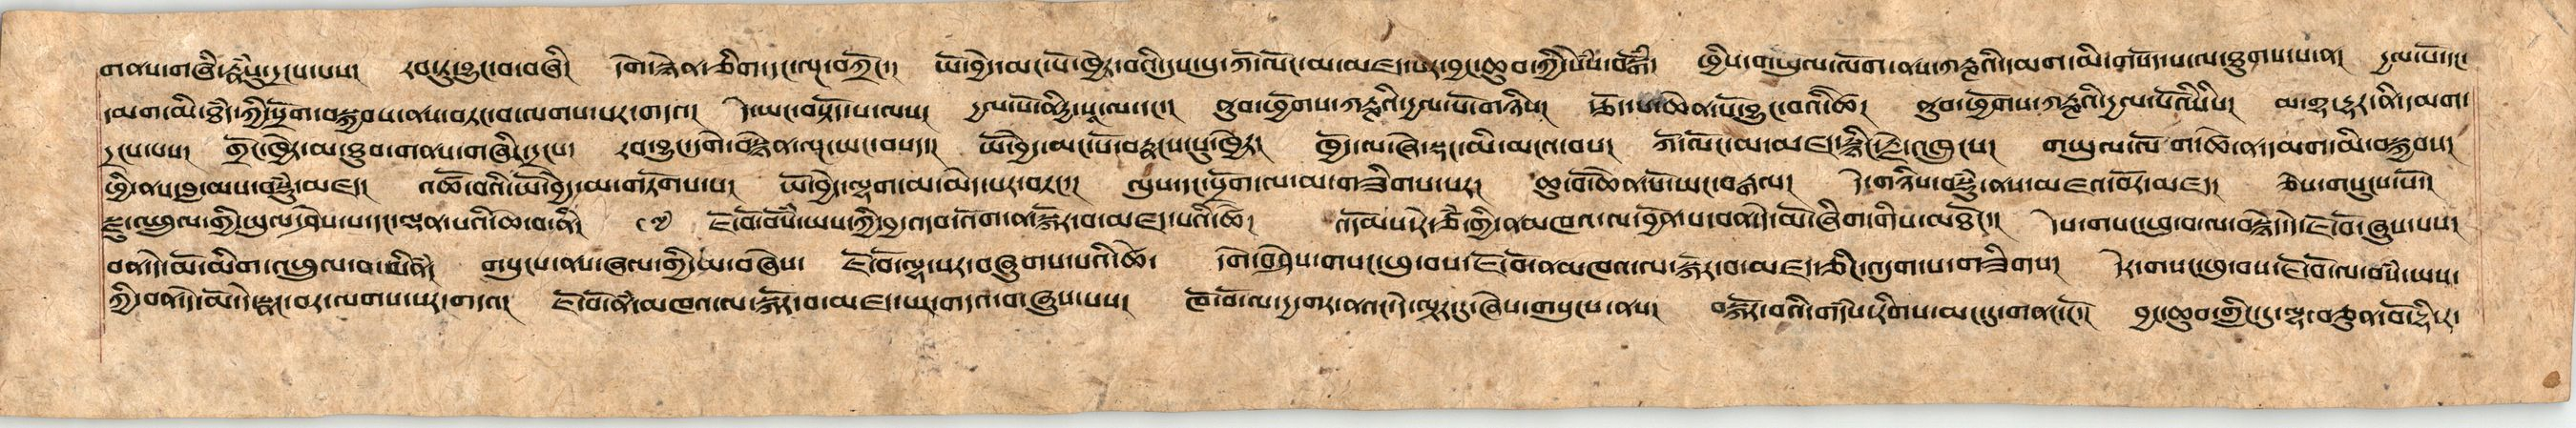གནས་གཞི་རྣཾས་སུ་དྲངས་པས། རབ་ཏུ་བྱུང་བ་བཞི། དགེ་སྙེན་ཅིག་དང་ལྔ་བཀྲོང་། ཡོ་བྱེད་མང་པོ་ཁྱེར་བའི་དུས་སུ་ཀོ་ལོང་མ་མཛད་པར་བྱང་ཆུབ་ཀྱི་སེཾས་བསྒོཾས། ཕྱིས་གཡུལ་ལོག་ནས་ཀརྞའི་དམག་མི་གསོད་པ་ལ་ཐུགས་པ་ན། དྱལ་པོ་དང་
དམག་མི་ཐཾད་ཀྱི་སྲོག་བསྐྱབས་ནས་བཏང་བ་ལགས་པར་གདའ། དེ་ཡང་བསྟོད་པ་ལས། དྱལ་པོ་ནིཏྱ་པཱ་ལ་དང་། ནུབ་ཕྱོགས་ཀརྞའི་དྱལ་པོ་གཉིས། རྩོད་པ་ཆེན་པོ་བྱུང་བའི་ཚེ། ནུབ་ཕྱོགས་ཀརྞའི་དྱལ་པོའིཔསི། མ་ག་དྷར་ནི་དམག་
དྲངས་པས། གྲོང་ཁྱེར་མ་ཐུབ་གནས་གཞིར་དྲངས། རབ་བྱུང་དགེ་བསྙེན་ལྔ་ཡང་བསད་། ཡོ་བྱད་མང་པོ་བརྣངས་སུ་ཁྱེར། ཁྱོད་ལ་ཞེ་སྡང་མི་མངའ་བས། ཀོ་ལོང་མ་མཛད་སྙིང་རྗེ་འཁྲུངས། གཡུལ་ལོག་ཚེ་ན་དམག་མི་བསྐྱབས།
ཕྱི་ནས་བླ་མས་བསྡུྃ་མཛད། འཚོ་བའི་ཡོ་བྱེད་མ་གཏོགས་པ། ཡོ་བྱེད་ལྷག་མ་མེད་པར་བཏང་། ལུས་དང་སྲོག་ལ་མ་གཟིགས་པར། ཆུ་བོ་ཆེན་པོ་ཡང་བརྒལ། དེ་གཉིས་བསྡུྃ་ནས་མཛའ་བོར་མཛད། ཅེས་གསུངས་སོ་།
སྫུ་འཕྲུལ་གྱི་ཡུལ་ཤེས་པ་དང་ལྡན་པའི་ཆེ་བ་ནི། ༩༧ ཇོ་བོ་བསོཾ་ཡས་ཀྱི་བྱ་འདབ་འོག་ན་སྐོར་བ་མཛད་པའི་ཚེ། འདོམས་རེ་ཙཾ་གྱི་ནམཁའ་ལ་བྱོན་པ་བན་དེ་མོ་ཞིག་གིས་མཐོང་། དེས་གསང་ཕུ་བ་ལ་བསྙེད་དེ་ཇོ་བོ་ཞུས་པས།
བན་དེ་མོ་མིག་འཕྲུལ་བ་མིནཾ། གསུངས་ནས་ཞལ་གྱིས་མ་བཞེས། ཇོ་བོ་ལྷ་སར་བཞུགས་པའི་ཚེ་ དགེ་བཤེས་གསང་ཕུ་བས་ཇོ་བོ་ནམཁའ་ལ་སྐོར་བ་མཛད་ཅིང་འདུག་པ་གཟིགས། དེར་གསང་ཕུ་བས་ཇོ་བོ་ལ་བསྃ་ཡས་
ཀྱི་བན་དེ་མོ་དེ་སྣང་བར་ལགས་པར་གདའ། ཇོ་བོ་ནཾ་མཁའ་ལ་སྐོར་བ་མཛད་པར་གདའ་བ་ཞུས་པས། ཁོ་བོ་ལ་དྱ་གར་ནའང་དེ་ལྟར་དུ་ཞེས་གསུངས་ནས། བསྐོར་བའི་གདསྃ་རིགས་མང་དུ་གནང་ངོ་། བྱང་ཆུབ་གླིང་དུ་ལྷ་བཅུན་བོ་དྷི་ར་་